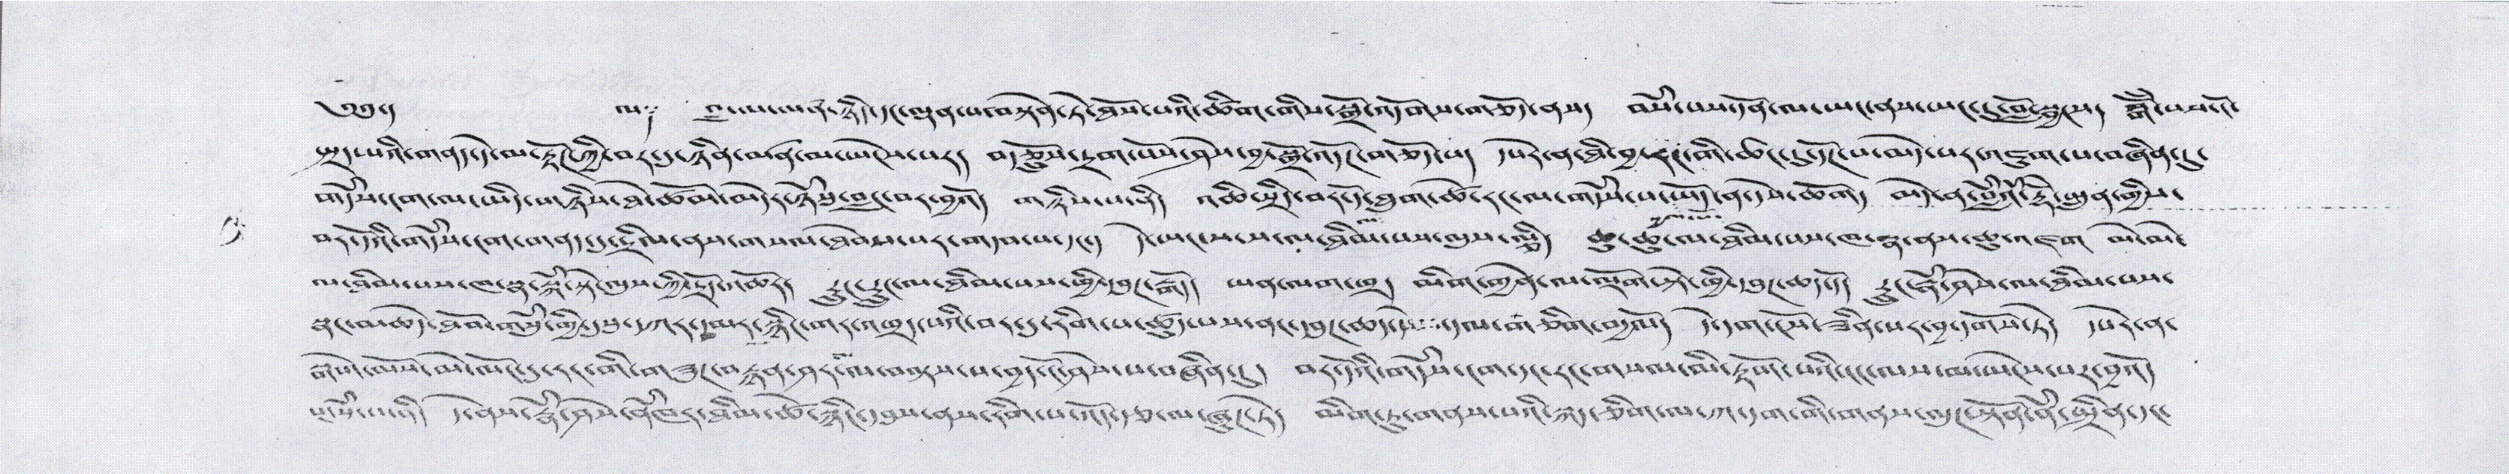ལ། བླ་མ་མཚན་ཉིད་དང་ལྡན་པ་བསྟེན་ཏེ་ཐོས་པའི་ཚིག་གིས་སྒྲོ་འདོགས་གཅོད་ནས། བསམ་པས་དོན་ལ་ཡང་ནས་ཡང་དུ་བློ་སྦྱངས། སྒོམ་པས་ངོ་
སྤྲད་པའི་གནད་དེ་མ་རྟོགས་ཀྱི་བར་དུ་ཉིན་མཚན་མ་ཡེངས་པར། བརྩོན་འགྲུས་དྲག་པོས་ཤེས་བྱ་སྒྲོ་འདོགས་གཅོད་པ། དཔེར་ན་ཐི་བྱ་རང་གི་ཚང་དུ་དོགས་པ་མེད་པར་འཇུག་པ་བཞིན་དུ་
གདམས་ངག་ལ་ཡིད་གཉིས་ཐེ་ཚོམ་མེད་པར་ཉམས་སུ་བླང་བར་བྱའོ། གཉིས་པ་ནི། འཆི་སྲིད་བར་དོ་ལ་ཐུག་ཚེ་རང་ལ་གདམས་པ་གསལ་པོ་ཡོད་ན་དེས་ཆོག མེད་ན་བླ་མའི་རྡོ་རྗེ་སྤྲུན་གྱིས་
བར་དོའི་གདམས་ངག་གནད་དུ་དྲིལ་ནས་གསལ་ཐེབས་པར་གདབ་པ་དང། དེ་ཡང་ས་ལ་ཐིམ་པས་ལུས་ལྕི། ཆུ་ཆུ་ལ་ཐིམ་པས་ཁ་སྣ་ནས་ཆུ་འཛག མེ་མེ་
ལ་ཐིམ་པས་ཁ་སྣ་སྐམ་སྟེ་ལུས་ཀྱི་དྲོད་འཆོར། རླུང་རླུང་ལ་ཐིམ་པས་ཕྱི་དབུགས་རྒོད། ཡན་ལག་ཕྲ། མིག་གྱེན་ལ་ལྡོག་སྟེ་ཕྱི་དབུགས་ཆད་དོ། རླུང་རྣམ་ཤེས་ལ་ཐིམ་པས་
སྣང་མཆེད་ཐོབ་གསུམ་གྱི་དུས་སུ་དཀར་དམར་སྙིང་གར་འཕྲད་པའི་བར་དུ་རིག་པ་ཚུད་པས་ནང་དབུགས་ཆད་དེ་འདལ་གཅིག་བརྒྱལ་ལོ། དེ་དག་ངོས་ཟིན་པར་བྱ་དགོས་ཏེ། དཔེར་ན། 
སྒེག་མོས་མེ་ལོང་དུ་རང་གི་གཟུགས་བརྙན་ཤར་བ་ལ་བལྟས་པ་བྱད་ངོ་ཤེས་པ་བཞིན་དུ། བར་དོའི་གདམས་ངག་དང་རང་གསལ་མི་རྟོག་པའི་ངང་ལས་མ་ཡེངས་པར་བྱའོ། 
གསུམ་པ་ནི། དེ་ནས་རྣམ་ཤེས་ནམ་མཁར་ཐིམ་ཚེ་སྙིང་དབུས་ནས་རིག་པ་འོད་རྩ་ལ་ཞུགས་ཏེ། མིག་ཏུ་གནས་པའི་སྐད་ཅིག་ལ་ཀ་དག་གི་གནས་ལུགས་སྟོན་ནམ་སྤྲིན་དང་